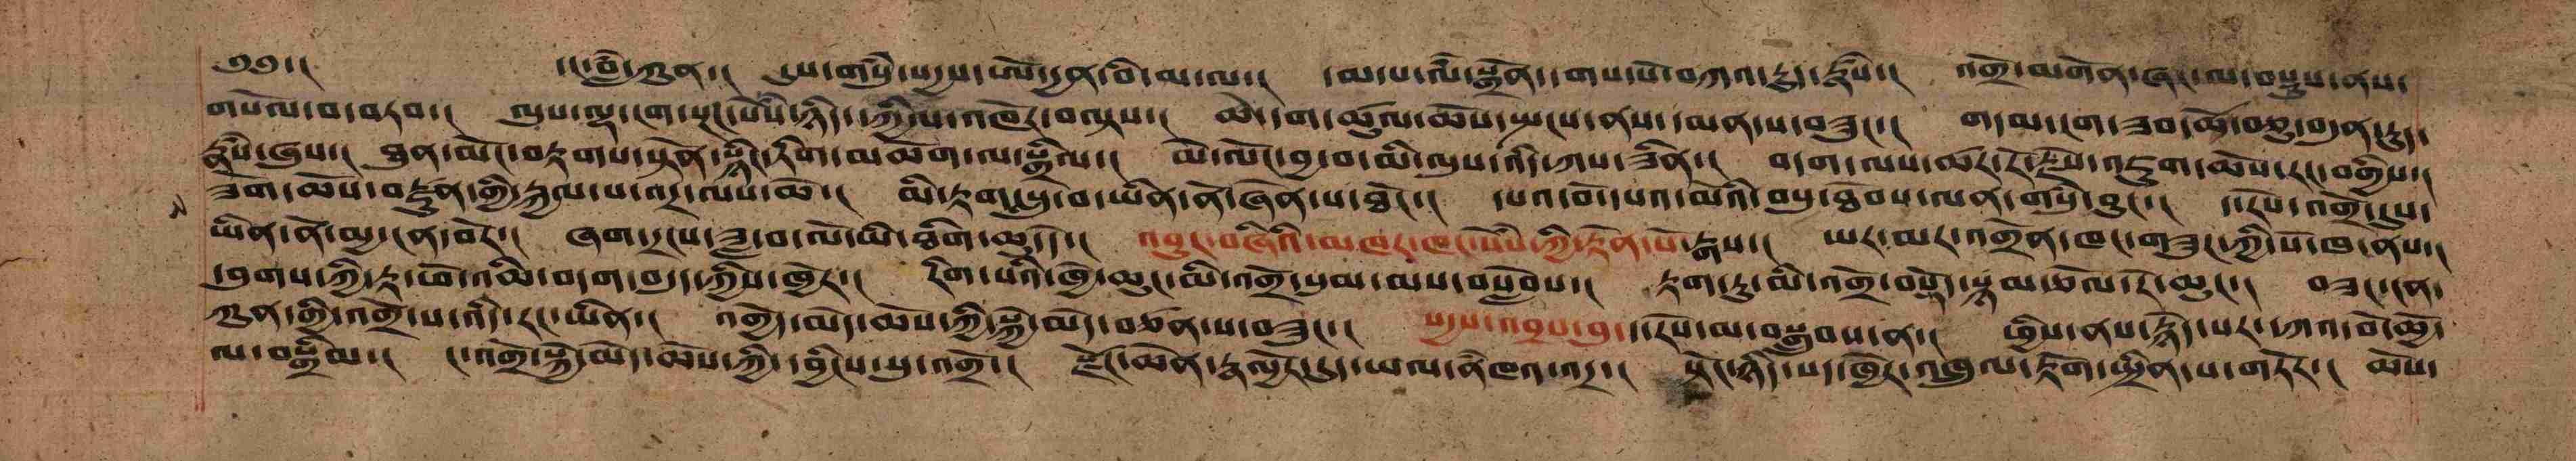༄༅་། དང་བླ་མ་ཀུན། དུས་གསུམ་སངས་རྒྱས་ཨོ་རྒྱན་བི་མ་ལ་། དམ་པ་ལམ་སྒྲོན་དགས་པོ་བཀའ་རྒྱུད་རྣམས། འགྲོ་མགོན་ཞང་མ་བསྡུས་ནས་
གསོལ་བ་བཏབ། ལུས་ལྷ་ངག་སྔགས་སེམས་ཉིད་དཀྱིལ་འཁོར་བལྟས། ཚེ་དག་ཚུལ་ཆོས་སྤངས་ནས་དམན་ས་བཟུང་། གདམ་ངག་ཟབ་མོ་བཅུ་བདུན་རྒྱུད་
རྣམས་ཞུས། ཐུན་མོང་རྟགས་སྟོན་སྙིང་རིག་མཆོག་ལ་སྒྲིལ་། མེ་ལོང་བྱ་བ་མི་ལུས་འདི་ཀས་ཟིན། བདག་ལས་ཚར་རོ་རྗེས་འཇུག་ཆོས་རང་བགྱིས། 
ཟོག་ཆོས་བརྫུན་གྱི་རྐྱལ་པ་འདྲ་ལས་ཆེ། མི་རྟག་སླུ་བ་ཡིན་ནོ་ཞེན་པ་ཐོང་། དཔའ་བོ་དཔའ་མོའི་བསུ་ཐེབས་ལན་གསུམ་བྱུང་། ད་རེས་འགྲོ་དུས་
ཡིན་ནོ་མྱ་ངན་བོར་། ཞག་དྲངས་ཟླ་བ་ལོ་ཡི་མི་ཐིག་ཆུ་དེ། འབྱུང་བཞིའི་མཁར་ཁང་སེམས་ཀྱི་རྟེན་པོ་རྒས། ཡར་མར་འགྲོན་ཁང་གཟུགས་ཀྱི་སོ་ཁ་ནས་། 
དབུགས་ཀྱི་རྟ་ཕོ་འཆི་བདག་བདུད་ཀྱིས་ཁྱེར། རིག་པའི་ཁྱེ་ཆུང་མི་འགྲོ་སུམ་མས་བསློབས། རྟག་ཏུ་མི་འགྲོ་བསྡོད་སྙམ་ཅོལ་རེ་ཆུང་། བཟང་ངན་
ཀུན་གྱི་འགྲོ་ས་འདི་རང་ཡིན། འགྱོད་མེད་ཆོས་ཀྱི་སྐྱེ་མེད་བཙན་ས་བཟུང་། སངས་རྒྱས་འབྲས་བུ་ད་རེས་མ་བསྒྲུབས་ན། ཕྱིས་ནས་རྙེད་པར་དཀའ་བོ་ཆོས་
ལ་བསྒྲིམས་། ང་འགྲོ་སྐྱེ་མེད་ཆོས་ཀྱི་དབྱིངས་སུ་འགྲོ། རྫོགས་ཆེན་རྣལ་འབྱོར་དུད་ཡལ་ནམ་མཁའ་འདྲ་། སྟོང་ཉིད་སད་ཁྱེར་འཁྲུལ་རྟོག་སྤྲིན་པ་གཏོར་། ཆོས་